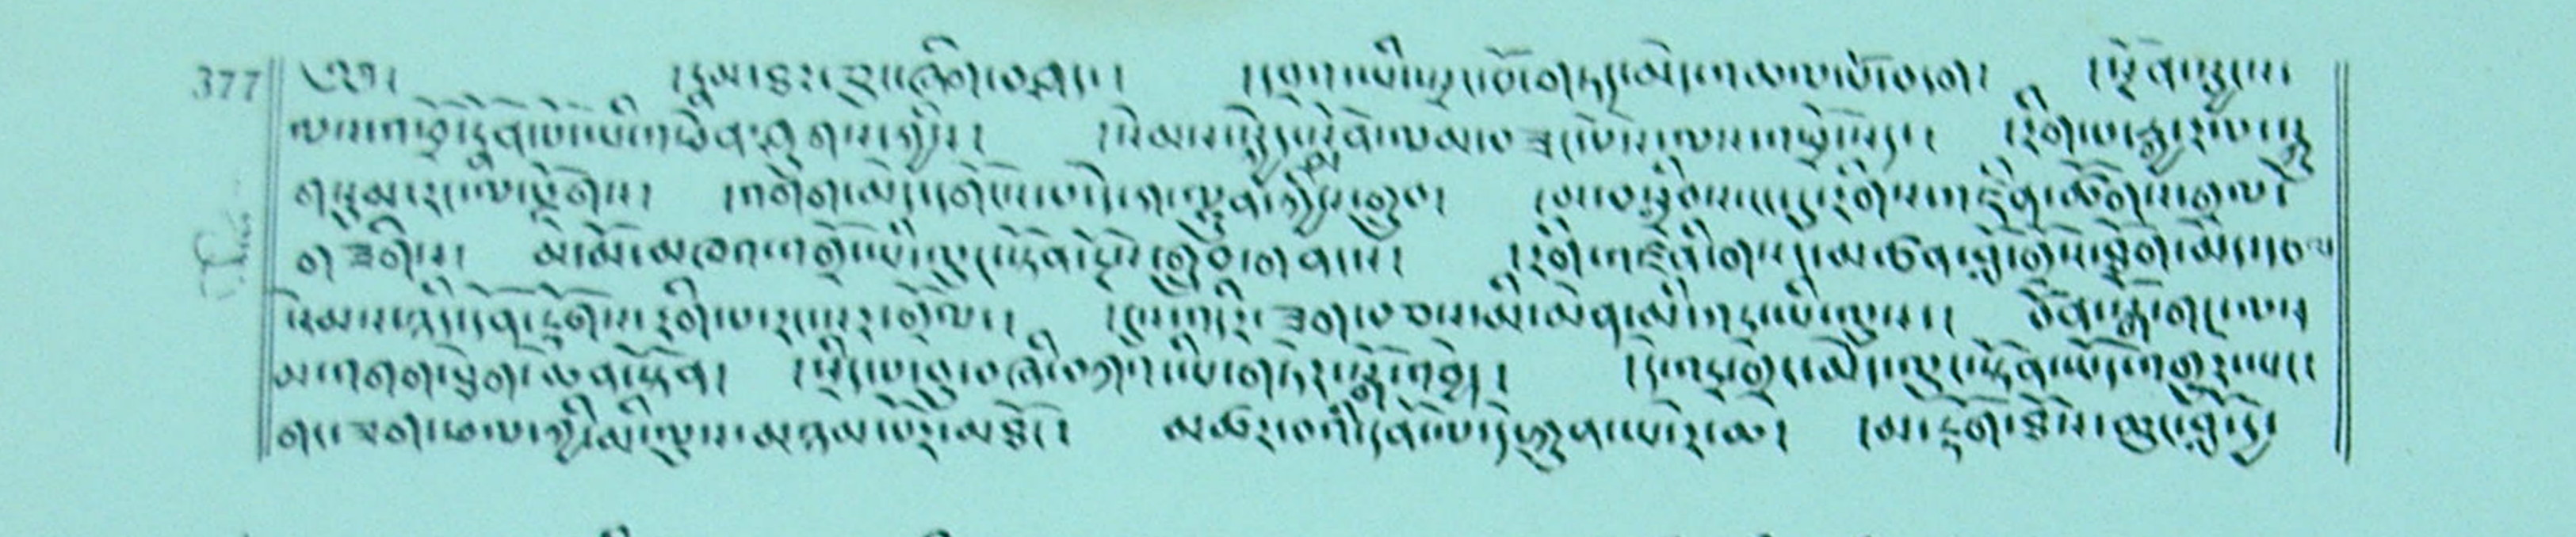༄༅། །རྣམ་ཐར་ཅུང་ཞིག་བཤད། དབྲའ་རིགས་སྤྲང་པོ་གཏད་མེད་འཆལ་པོ་བདག སྔོན་སྦྱངས་
ལས་འཕྲོ་རྣོན་པོ་ཡི་འཕེན་ཤུགས་ཀྱིས། སེམས་བསྐྱེད་སྨོན་ལམ་བཟང་པོས་ལས་འཕྲོ་སད། རིགས་པ་རྒྱ་རལ་སྐུ་
གསུམ་རང་ལ་རྫོགས། འགག་མེད་དགོངས་པ་དེ་ཀ་ལྷུན་གྱིས་གྲུབ། མ་བསྒྲིབས་ངང་དུ་རིགས་འཛིན་ཚོགས་གྲལ་
གཟིགས། མ་མོ་མཁའ་འགྲོ་ཡི་ལུང་སྟོན་རྔོས་གྲུབ་གནང་། རིགས་འཛིན་གསང་མཚན་བློ་གྲོས་ཐོགས་མེད་རྩལ། 
སེམས་ཉིད་དོན་རྟོགས་རིག་པ་རང་སར་གྲོལ། དུས་འདིར་ཟག་བཅས་མི་མེན་མི་འདྲ་ཡི་ལུས། བོན་སྒོ་གང་ལས་
མ་འགག་ཐེག་ཆེན་སྟོན། སྲིད་པ་བུ་བཞི་བཀའ་ཡི་གཏེར་སྒོ་འབྱེད། དེ་འདྲ་གྲངས་མེད་ལུང་སྟོན་ཡོད་འགྱུར་ཡང་། 
གང་ཟག་ཕལ་གྱིས་མི་ལུས་མཉམ་པོར་མཐོང་། མཚར་བའི་དོན་ལ་དེ་ཀུན་ཡ་རེ་ཆ། མ་རྟོགས་ཐོས་ཆུང་བློ་རྒྱ་